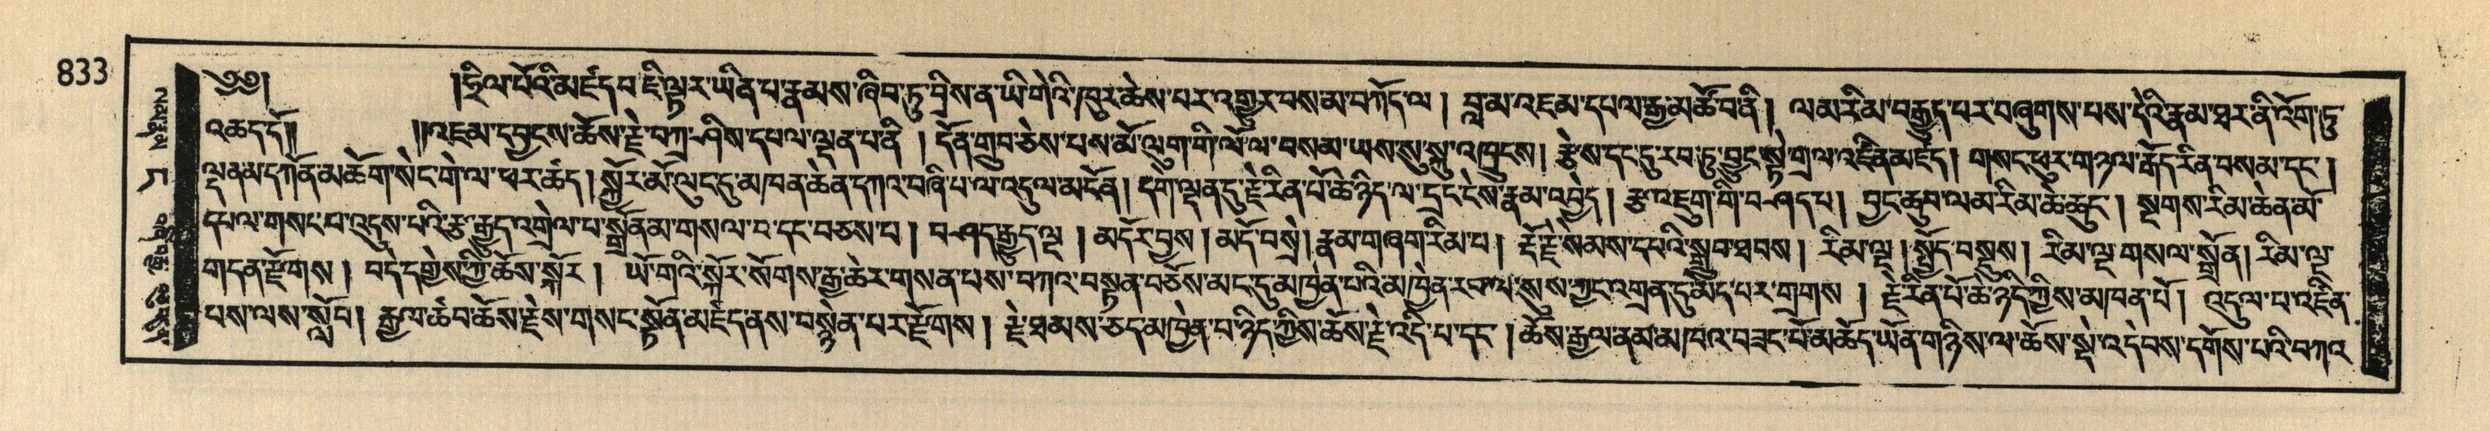༄༅། །ཧྲིལ་པོའི་མཛད་པ་ཇི་ལྟར་ཡིན་པ་རྣམས་ཞིབ་ཏུ་བྲིས་ན་ཡི་གེའི་ཁུར་ཆེས་པར་འགྱུར་བས་མ་བཀོད་ལ། བླ་མ་འཇམ་དཔལ་རྒྱ་མཚོ་བ་ནི། ལམ་རིམ་བརྒྱུད་པར་བཞུགས་པས་དེའི་རྣམ་ཐར་ནི་འོག་ཏུ་
འཆད་དོ།། །།འཇམ་དབྱངས་ཆོས་རྗེ་བཀྲ་ཤིས་དཔལ་ལྡན་པ་ནི། དོན་གྲུབ་ཅེས་པས་མོ་ལུག་གི་ལོ་ལ་བསམ་ཡས་སུ་སྐུ་འཁྲུངས། རྩེས་དང་དུ་རབ་ཏུ་བྱུང་སྟེ་གྲལ་འཛིན་མཛད། གསང་ཕུར་གཉལ་རྒོད་རིན་བསམ་དང་།
ལྡན་མ་དཀོན་མཆོག་སེང་གེ་ལ་ཕར་ཚད། སྐྱོར་མོ་ལུང་དུ་མཁན་ཆེན་དཀའ་བཞི་པ་ལ་འདུལ་མངོན། དགེ་ལྡན་དུ་རྗེ་རིན་པོ་ཆེ་ཉིད་ལ་དྲང་ངེས་རྣམ་འབྱེད། རྩ་འཇུག་གི་བཤད་པ། བྱང་ཆུབ་ལམ་རིམ་ཆེ་ཆུང་། སྔགས་རིམ་ཆེན་མོ་
དཔལ་གསང་བ་འདུས་པའི་རྩ་རྒྱུད་འགྲེལ་པ་སྒྲོན་མ་གསལ་བ་དང་བཅས་པ། བཤད་རྒྱུད་ལྔ། མདོར་བྱས། མདོ་བསྲེ། རྣམ་གཞག་རིམ་པ། རྡོ་རྗེ་སེམས་དཔའི་སྒྲུབ་ཐབས། རིམ་ལྔ། སྤྱོད་བསྡུས། རིམ་ལྔ་གསལ་སྒྲོན། རིམ་ལྔ་
གདན་རྫོགས། བདེ་དགྱེས་ཀྱི་ཆོས་སྐོར། ཡོ་གའི་སྐོར་སོགས་རྒྱ་ཆེར་གསན་པས་བཀའ་བསྟན་བཅོས་མང་དུ་མཁྱེན་པའི་མཁྱེན་རབ་ལ་སུས་ཀྱང་འགྲན་དུ་མེད་པར་གྲགས། རྗེ་རིན་པོ་ཆེ་ཉིད་ཀྱིས་མཁན་པོ། འདུལ་པ་འཛིན་
པས་ལས་སློབ། རྒྱལ་ཚབ་ཆོས་རྗེས་གསང་སྟོན་མཛད་ནས་བསྙེན་པར་རྫོགས། རྗེ་ཐམས་ཅད་མཁྱེན་པ་ཉིད་ཀྱིས་ཆོས་རྗེ་འདི་པ་དང་། ཆོས་རྒྱལ་ནམ་མཁའ་བཟང་པོ་མཆོད་ཡོན་གཉིས་ལ་ཆོས་སྡེ་འདེབས་དགོས་པའི་བཀའ་